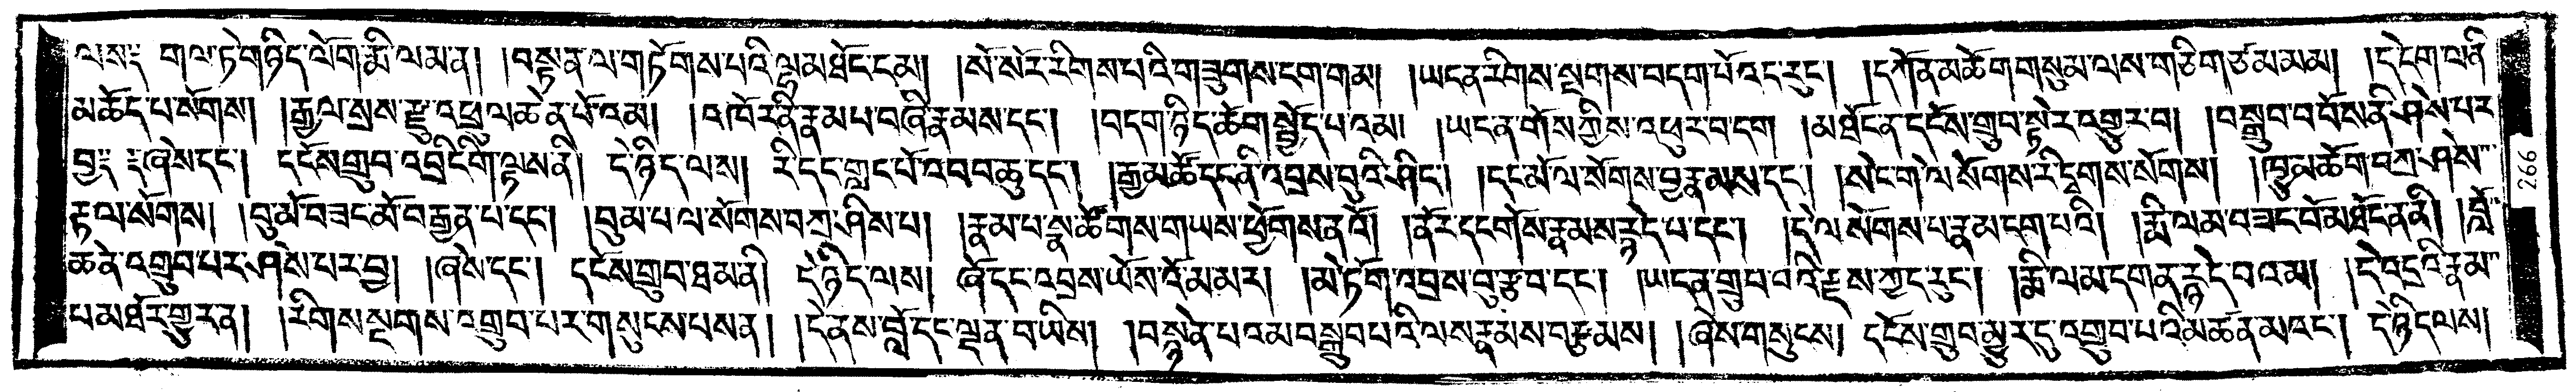ལས༑ གལ་ཏེ་གཉིད་ལོག་རྨི་ལམ་ན། །བསྟན་ལ་གཏོགས་པའི་ལྷ་མཐོང་ངམ། །སོ་སོར་རིགས་པའི་གཟུགས་དག་གམ། །ཡང་ན་རིགས་སྔགས་བདག་པོའང་རུང་། །དཀོན་མཆོག་གསུམ་ལས་གཅིག་ཙམ་མམ། །དེ་དག་ལ་ནི་
མཆོད་པ་སོགས། །རྒྱལ་སྲས་རྫུ་འཕྲུལ་ཆེན་པོ་འམ། །འཁོར་ནི་རྣམ་པ་བཞི་རྣམས་དང་། །བདག་ཉིད་ཆོག་སྤྱོད་པ་འམ། །ཡང་ན་གོས་ཀྱིས་འཕུར་བ་དག །མཐོང་ན་དངོས་གྲུབ་སྟེར་འགྱུར་བ། །བསྒྲུབ་བ་བོས་ནི་ཤེས་པར་
བྱ༑ ༑ཞེས་དང་། དངོས་གྲུབ་འབྲིང་གི་ལྟས་ནི། དེ་ཉིད་ལས། རི་དང་གླང་པོ་འབབ་ཆུ་དང་། །རྒྱ་མཚོ་དང་ནི་འབྲས་བུའི་ཤིང་། །དང་མོ་ལ་སོགས་བྱ་རྣམས་དང་། །སེང་གེ་ལ་སོགས་རི་དྭགས་སོགས། །ཁྱུ་མཆོག་བཀྲ་ཤིས་
རྟ་ལ་སོགས། །བུ་མོ་བཟང་མོ་བརྒྱན་པ་དང་། །བུམ་པ་ལ་སོགས་བཀྲ་ཤིས་པ། །རྣམ་པ་སྣ་ཚོགས་གཡས་ཕྱོགས་ནའོ། །ནོར་དང་གོས་རྣམས་རྙེད་པ་དང་། །དེ་ལ་སོགས་པ་རྣམ་དག་པའི། །རྨི་ལམ་བཟང་པོ་མཐོང་ན་ནི། །བློ་
ཆེན་འགྲུབ་པར་ཤེས་པར་བྱ། །ཞེས་དང་། དངོས་གྲུབ་ཐ་མ་ནི། དེ་ཉིད་ལས། ཞོ་དང་འབྲས་ཡོས་འོ་མ་མར། །མེ་ཏོག་འབྲས་བུ་རྩ་བ་དང་། །ཡང་ན་གྲུབ་པའི་རྫས་ཀྱང་རུང་། །རྨི་ལམ་དག་ན་རྙེད་པའམ། །དེ་འདྲའི་རྣམ་
པ་མཐོར་གྱུར་ན། །རིགས་སྔགས་འགྲུབ་པར་གསུངས་པས་ན། །དེ་ནས་བློ་དང་ལྡན་པ་ཡིས། །བསྙེན་པའམ་བསྒྲུབ་པའི་ལས་རྣམས་བརྩམས། །ཞེས་གསུངས། དངོས་གྲུབ་མྱུར་དུ་འགྲུབ་པའི་མཚན་མའང་། དེ་ཉིད་ལས།